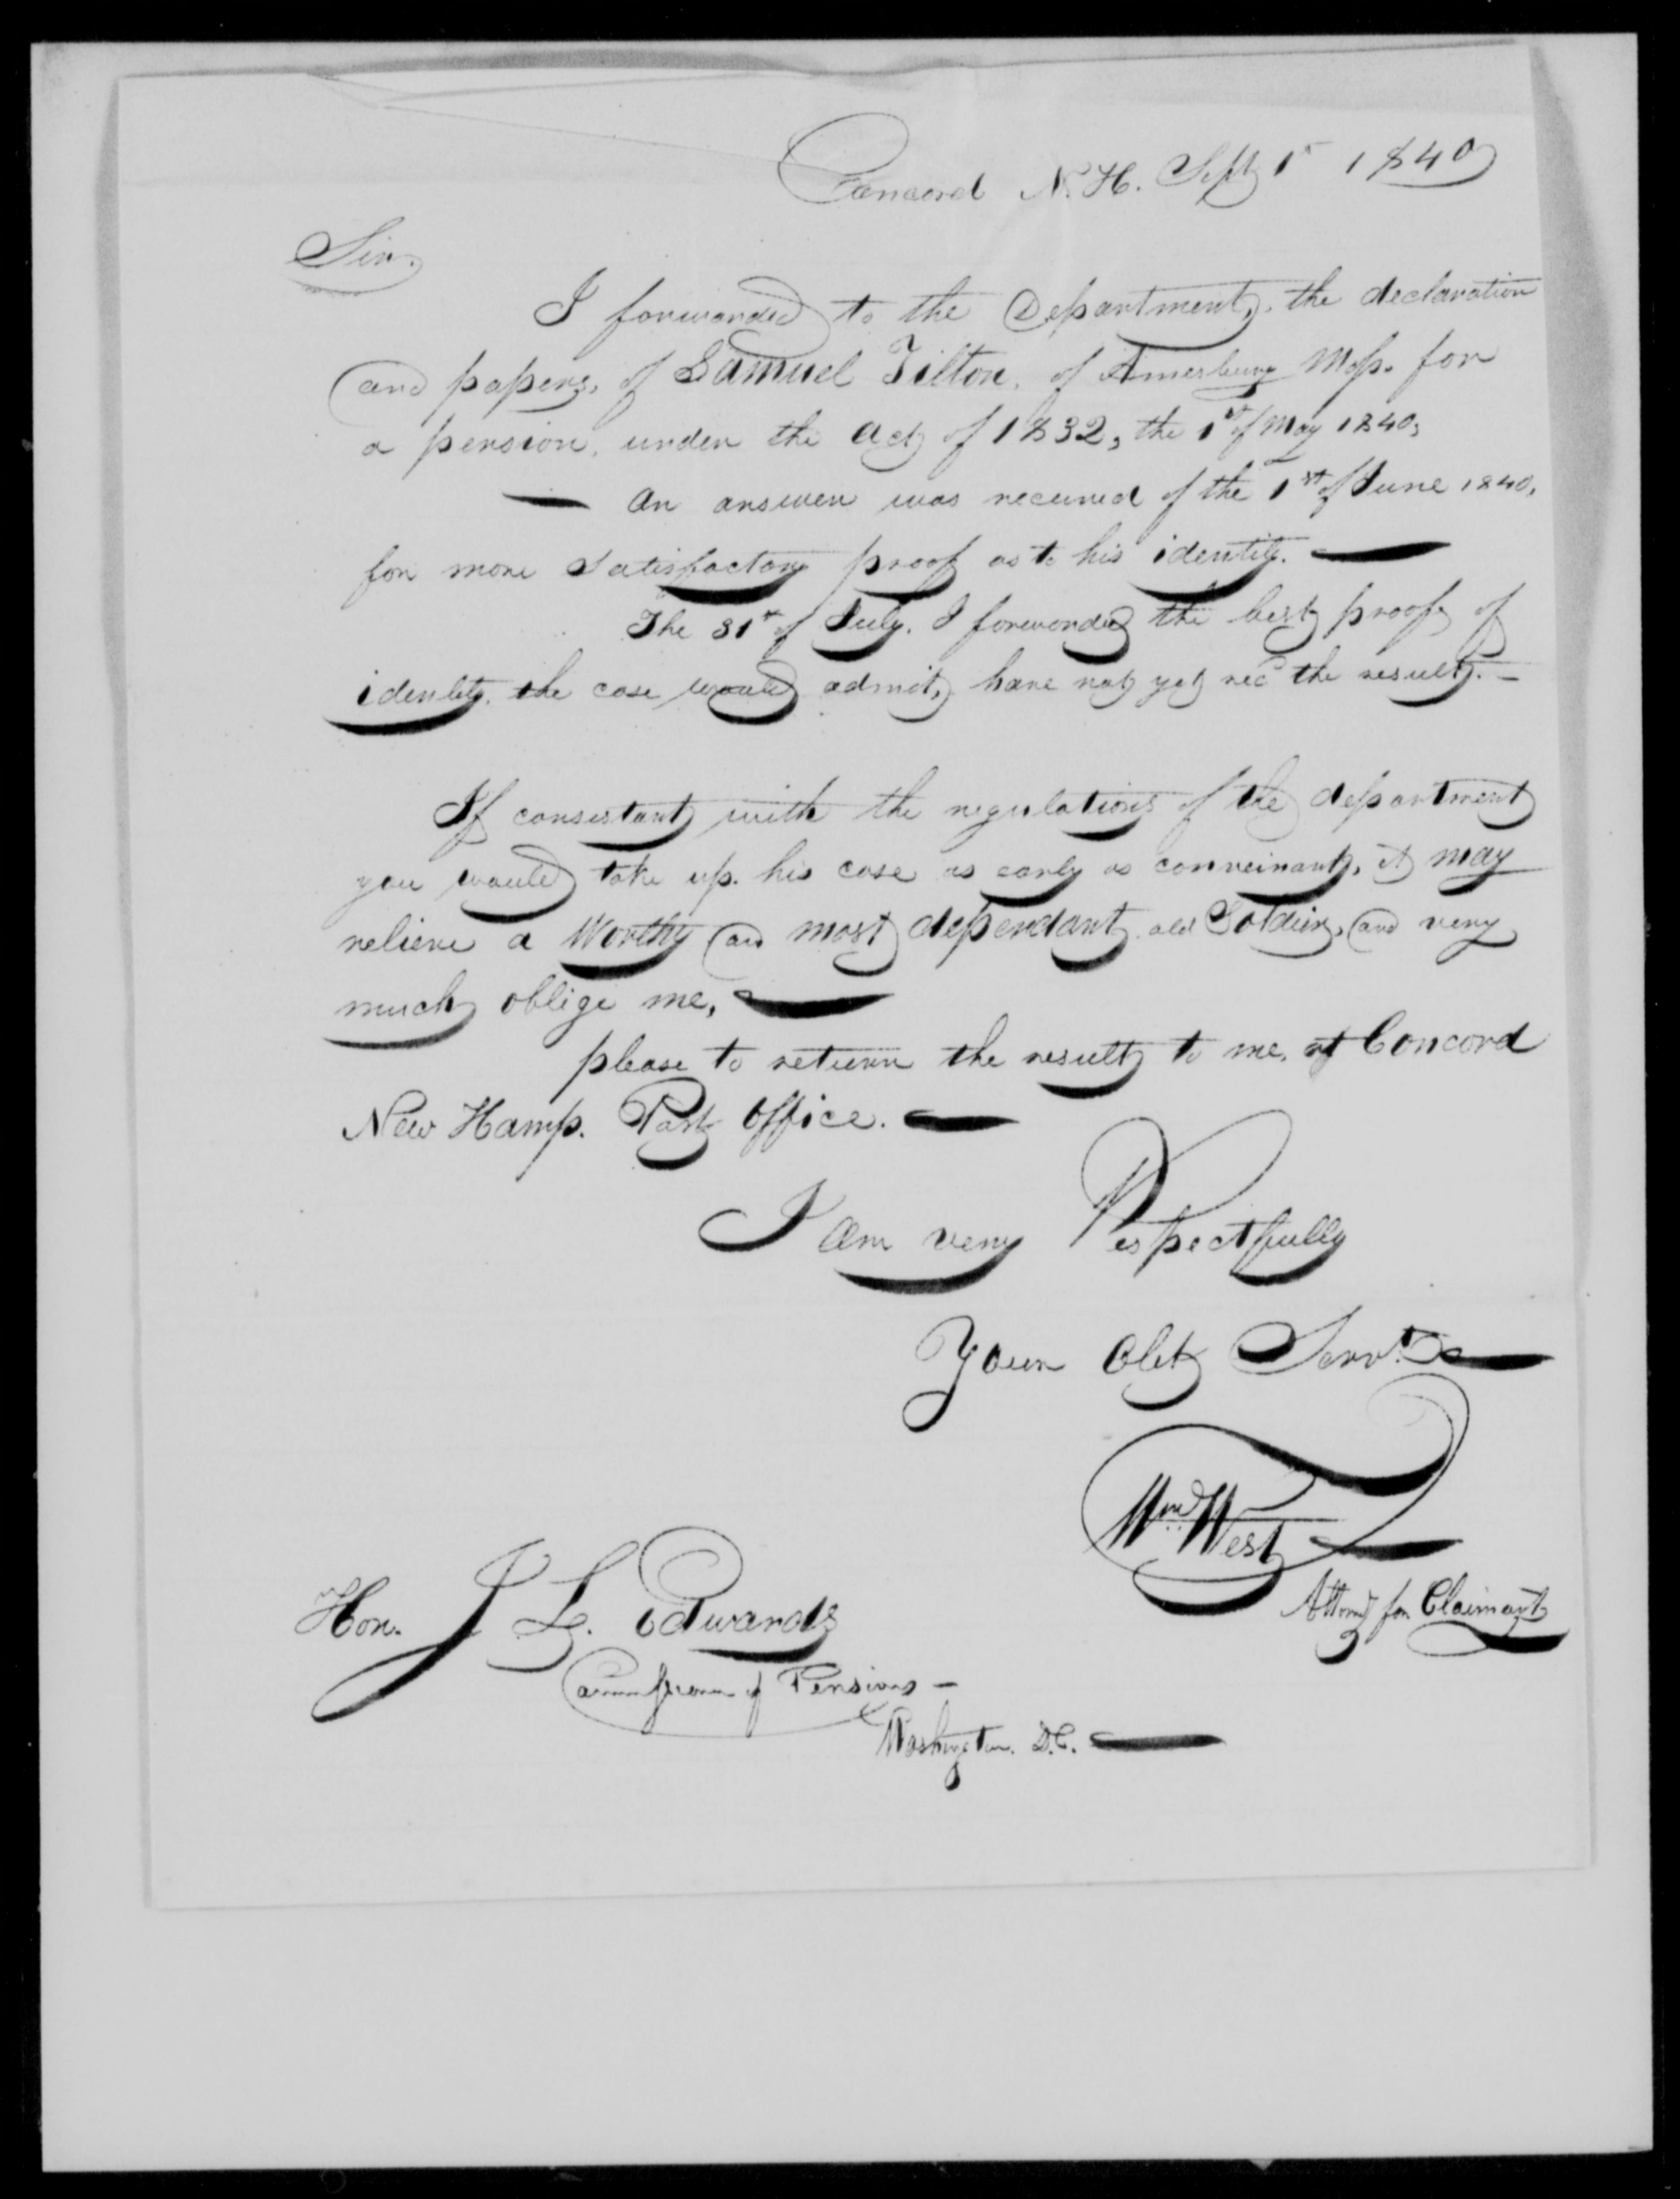Concord N.H. Sept 1 1840
Sir
I forwarded to the Department, the declaration
and papers of Samuel Tilton of Amesbury Mass for
a pension, under the act of 1832, the 1st May 1840,
an answer was received of the 1st of June 1840,
for more satisfactory proof as to his identity.
The 31st July, I forwarded the best proof of identity the cased would admit, have not yet recd [received] the result.
If consistent with the regulations of the department
you would take up his case as early as conveniant, it may relieve a Worthy and most dependant old Soldier, and very much oblige me,
please to return the results to me at Concord
New Hamp Post Office
I am very Respectfully
Your Obt Servt [Obedient Servant]
Wm West
Attorney for Claimant

Hon. J L Edwards
Commissioner of Pensions
Washington D.C.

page: 33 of 55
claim: widow's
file: W. 14,021, for Samuel Tilton, New Hampshire